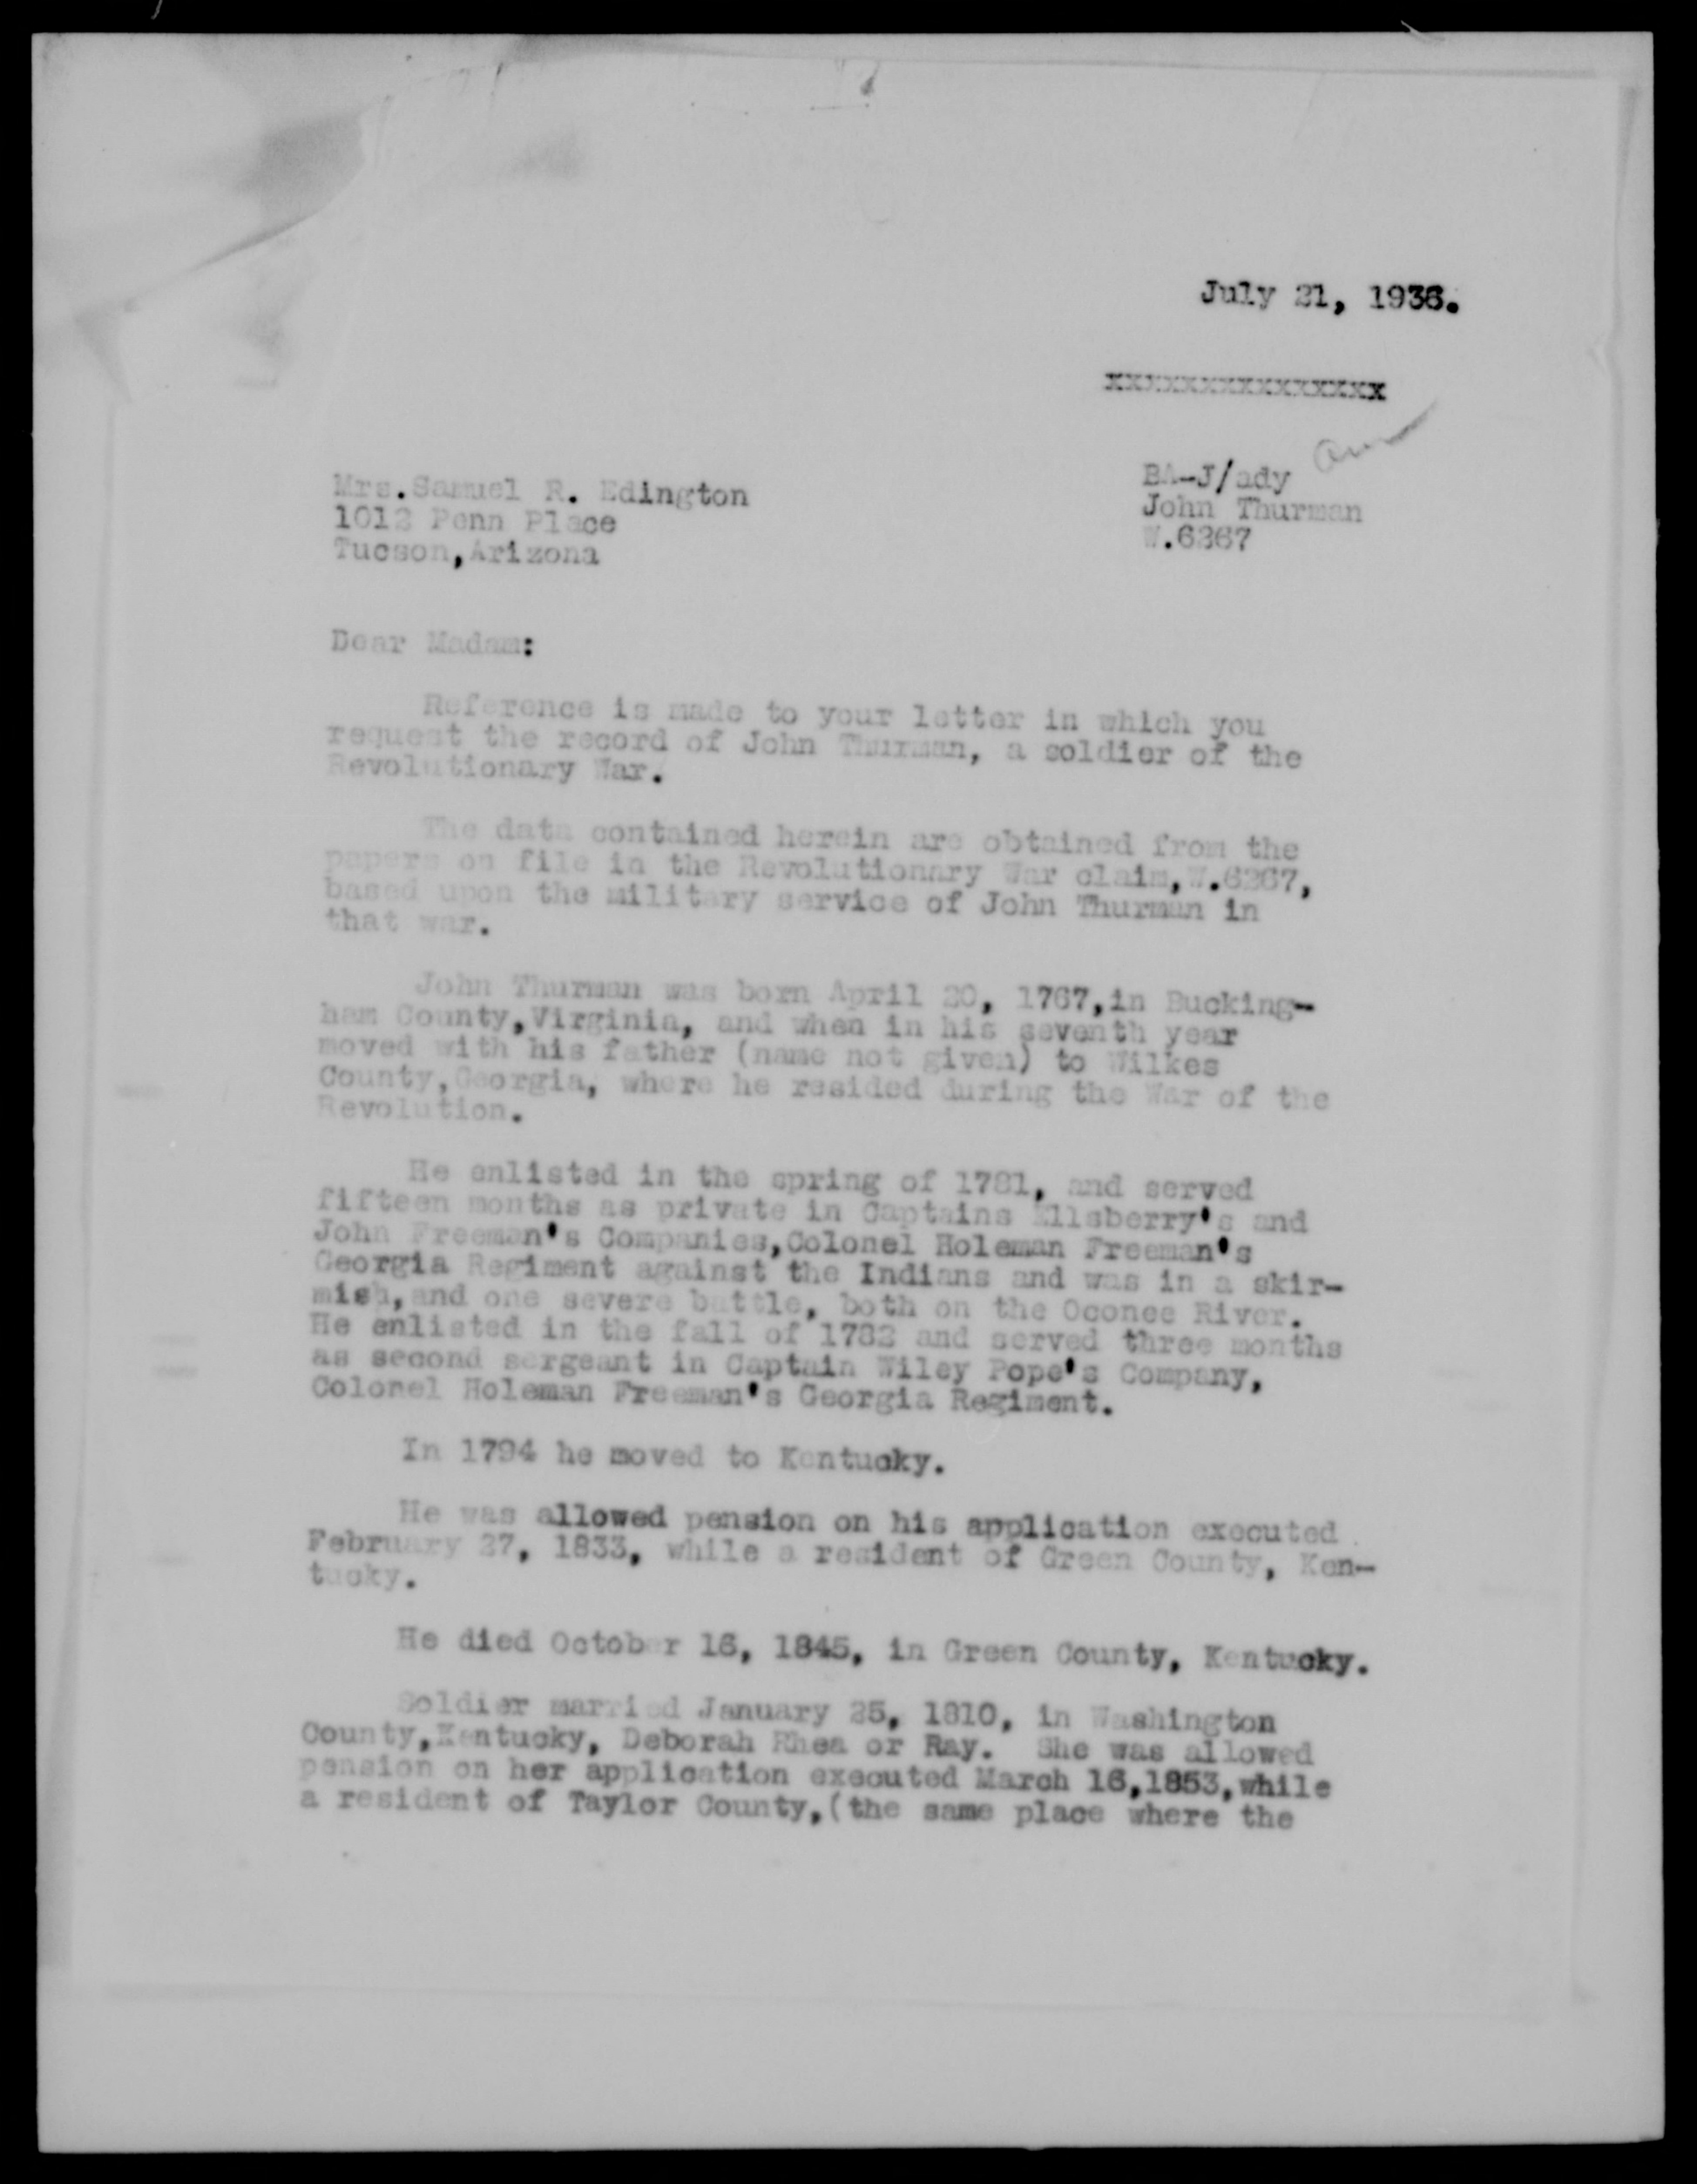July 21, 1936
BA-J/ady
John Thurman
W.6367
Mr. Samuel R. Edington
1012 Penn Place
Tucson, Arizona
Dear Madam:
Reference is made to your letter in which you
request the record of John Thurman, a soldier of the Revolutionary War.
The data contained herein are obtained from the papers on file in the Revolutionary War claim, W. 6267, based upon the military service of John Thurman in that war.
John Thurman was born April 20, 1767, in Buckingham County, Virginia, and when in his seventh year moved with his father (name not given) to Wilkes County, Georgia, where he resided during the War of the Revolution.
He enlisted in the spring of 1781, and served
fifteen months as private in Captains Ellsberry's and John Freeman's Companies, Colonel Holeman Freeman's Georgia Regiment against the Indians and was in a skirmish, and one severe battle, both on the Oconee River. He enlisted in the fall of 1782 and served three months as second sergeant in Captain Wiley Pope's Company, Colonel Holeman Freeman's Georgia Regiment. In 1794 he moved to Kentucky. He was allowed pension on his application executed February 27, 1833, while a resident of Green County, Kentucky. He died October 16, 1845, in Green County, Kentucky.
Soldier married January 25, 1810, in Washington County, Kentucky, Deborah Rhea or Ray. She was allowed pension on her application executed March 16, 1853, while
a resident of Taylor County, (the same place where the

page: 27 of 53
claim: widow's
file: W. 6,267, for John Thurman, Georgia